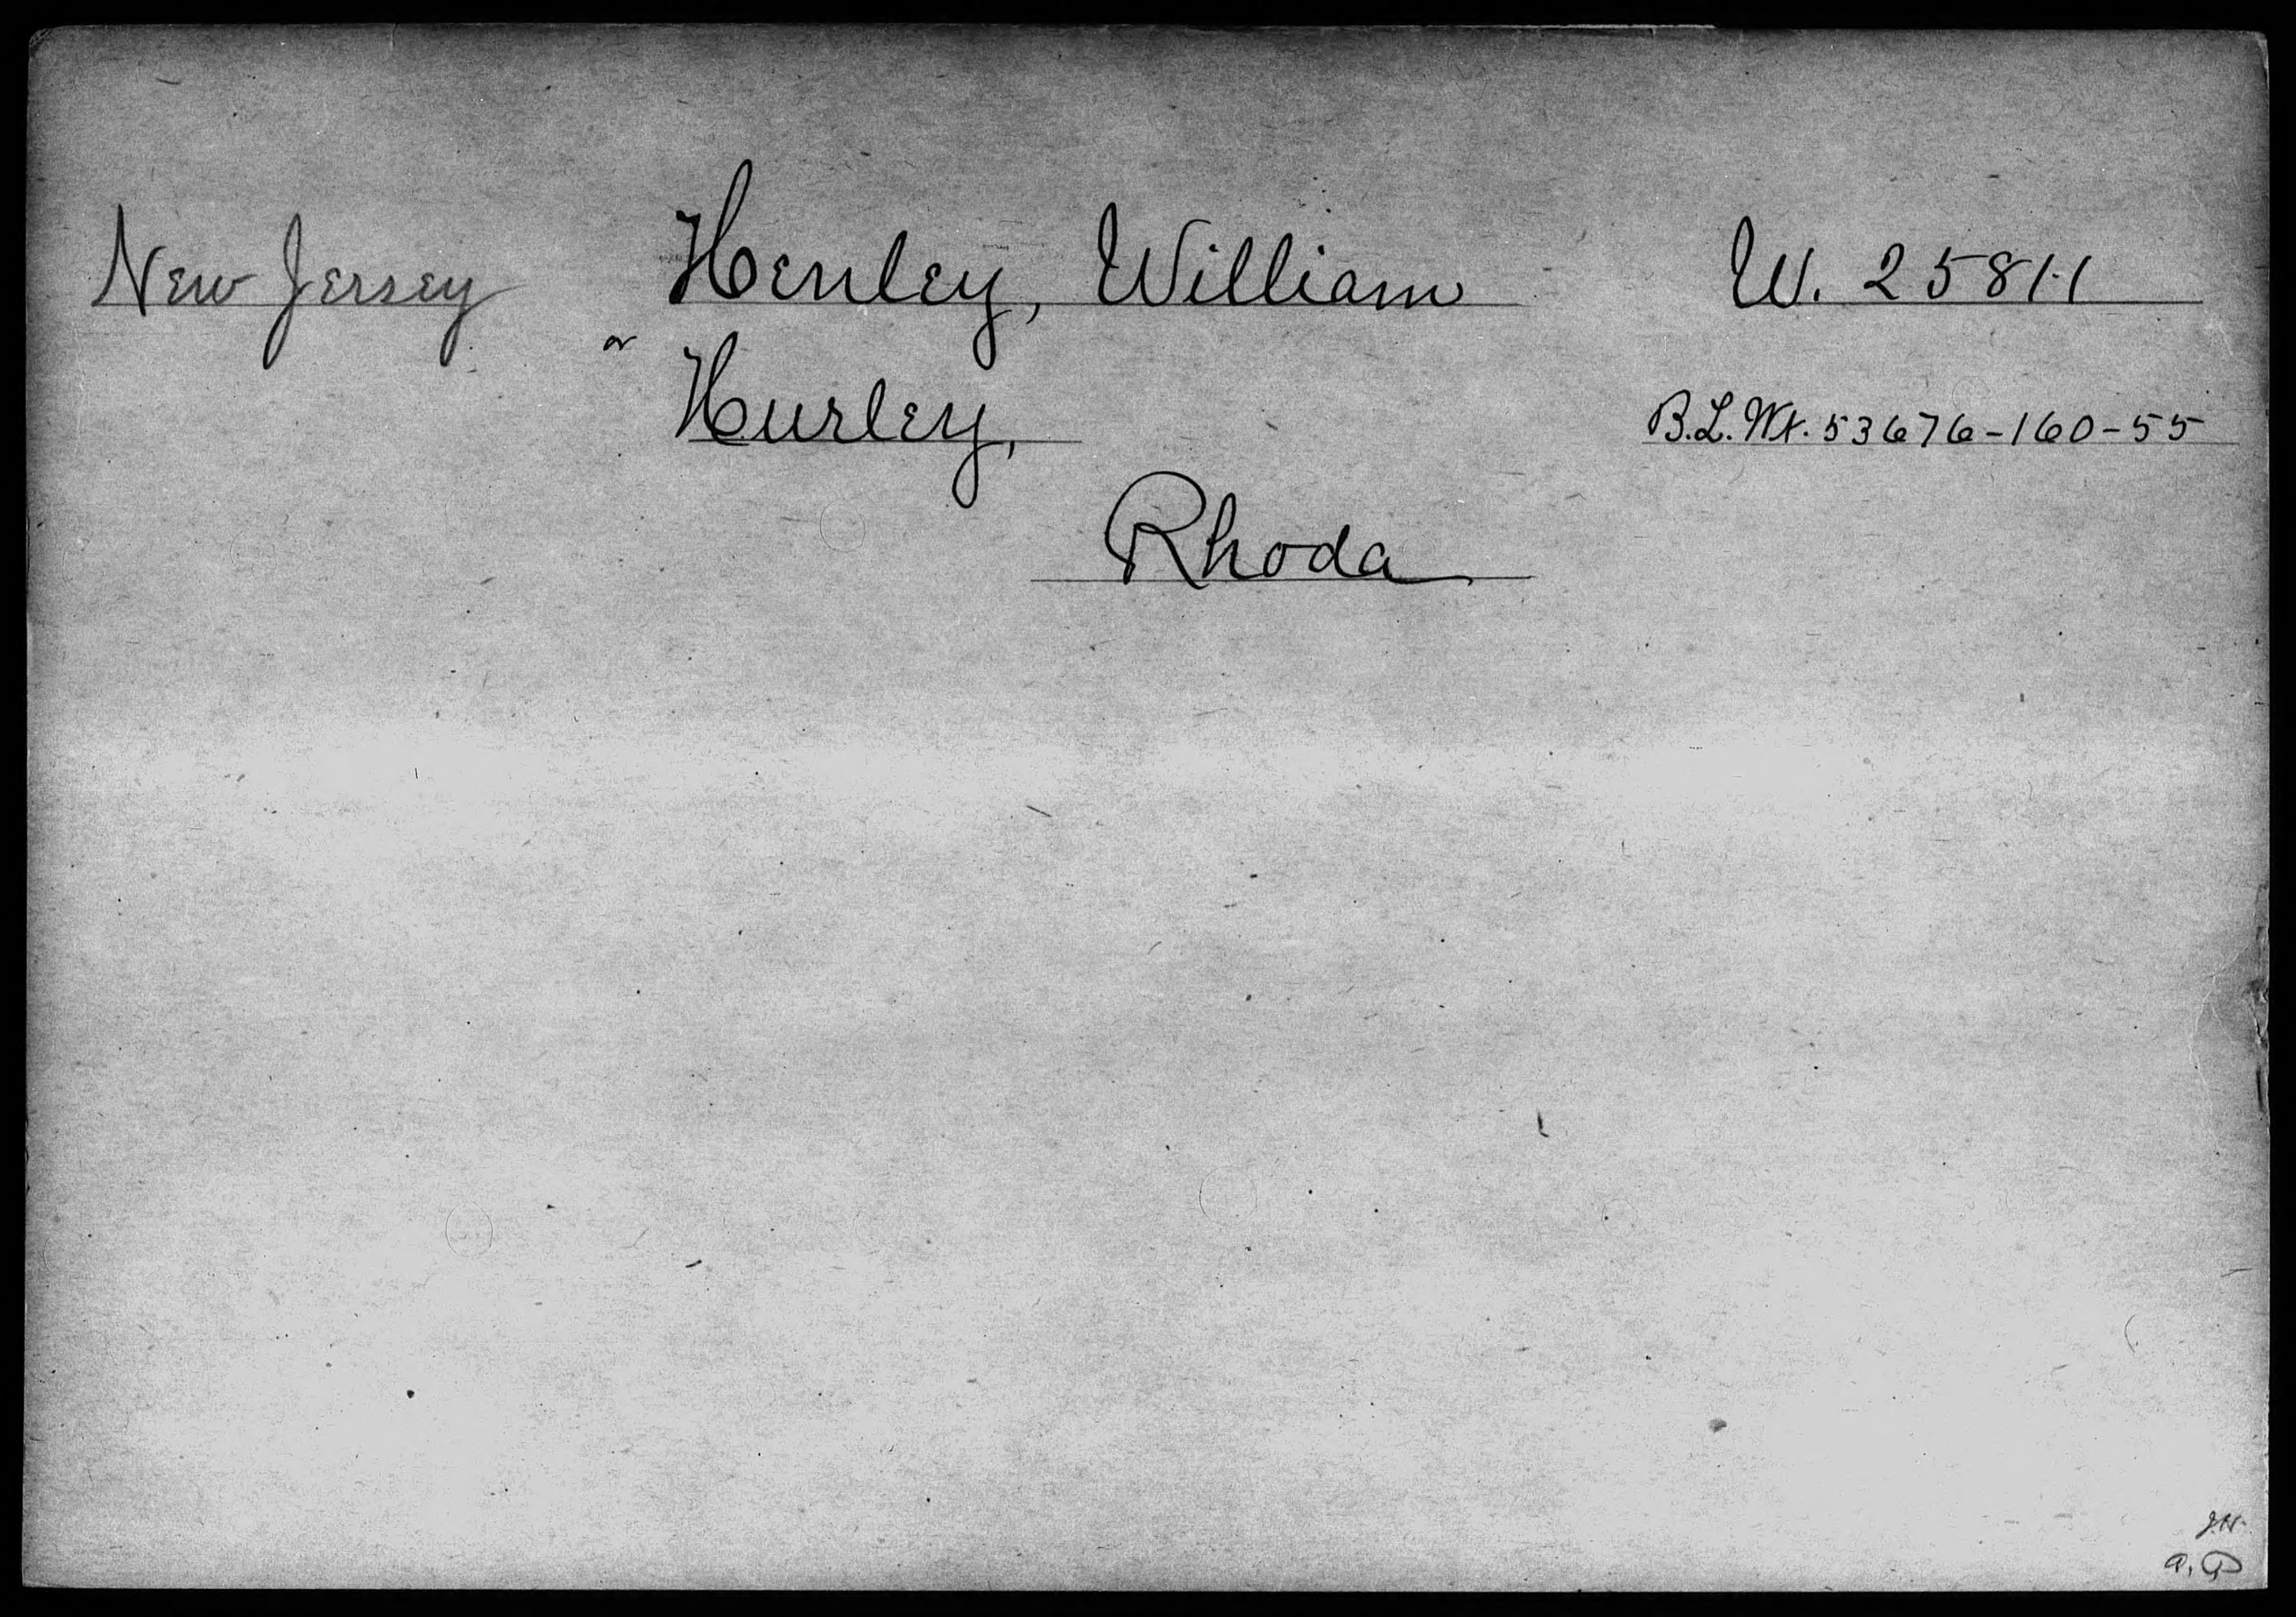New Jersey        Henley, William     W.25811
                          Hurley                    BLWx - 53676-160-55
Rhoda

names: William Hurley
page: 1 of 1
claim: widow's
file: W. 25811, William Henley, New Jersey